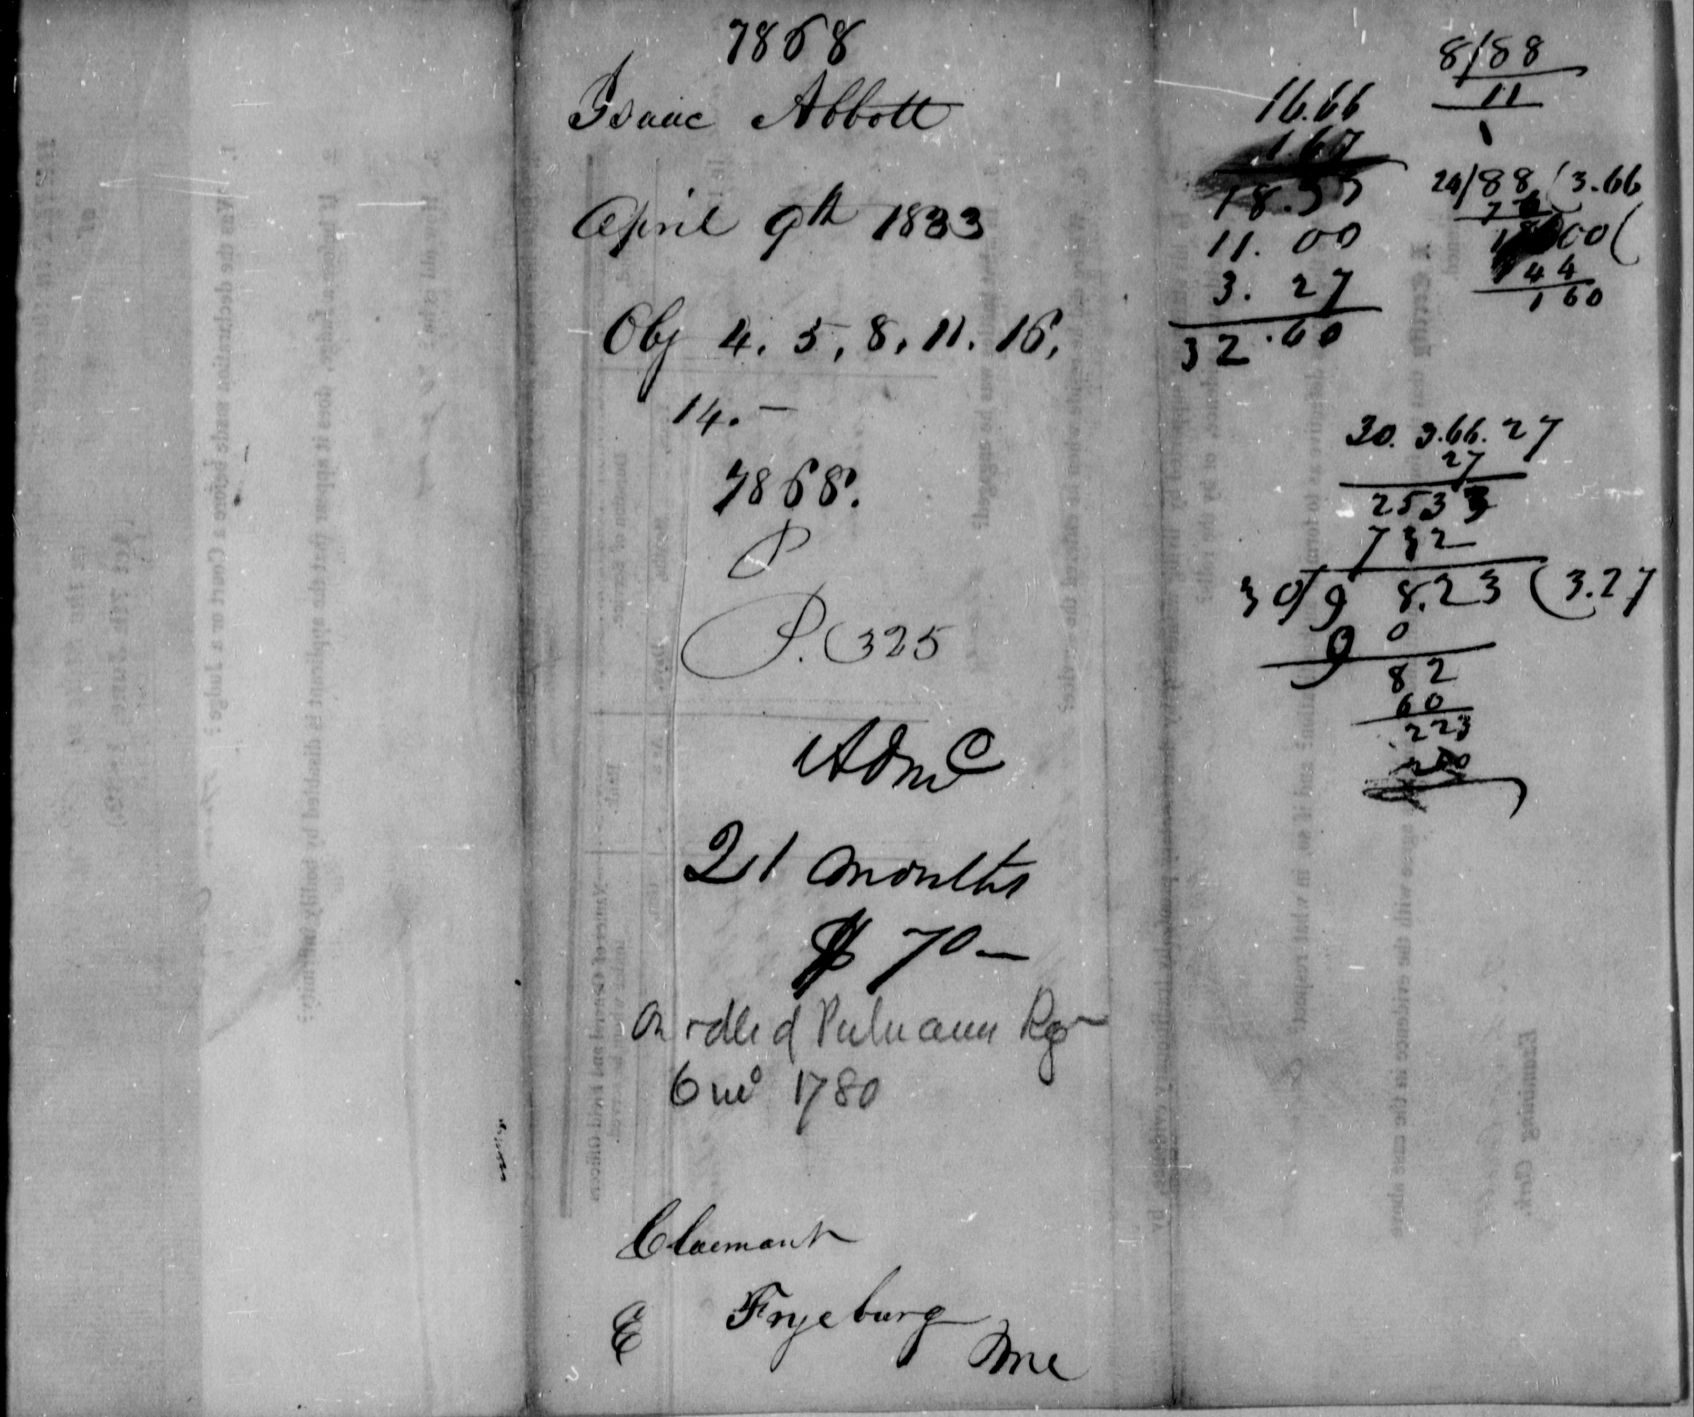7868
Isaac Abbott
April 9thy, 1833
Obj 4, 5, 8, 11, 16,
14.-
7866:
PP. 325
Adm'd
21 months
$70-
ordered Putnam Reg.
June 1780

Colman
Fayburg
Me

[RIGHT SIDE OF PAGE MATH EQUATIONS]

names: Isaac Abbott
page: 7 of 86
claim: survivor's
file: S 29,568, Isaac Abbot, Mass